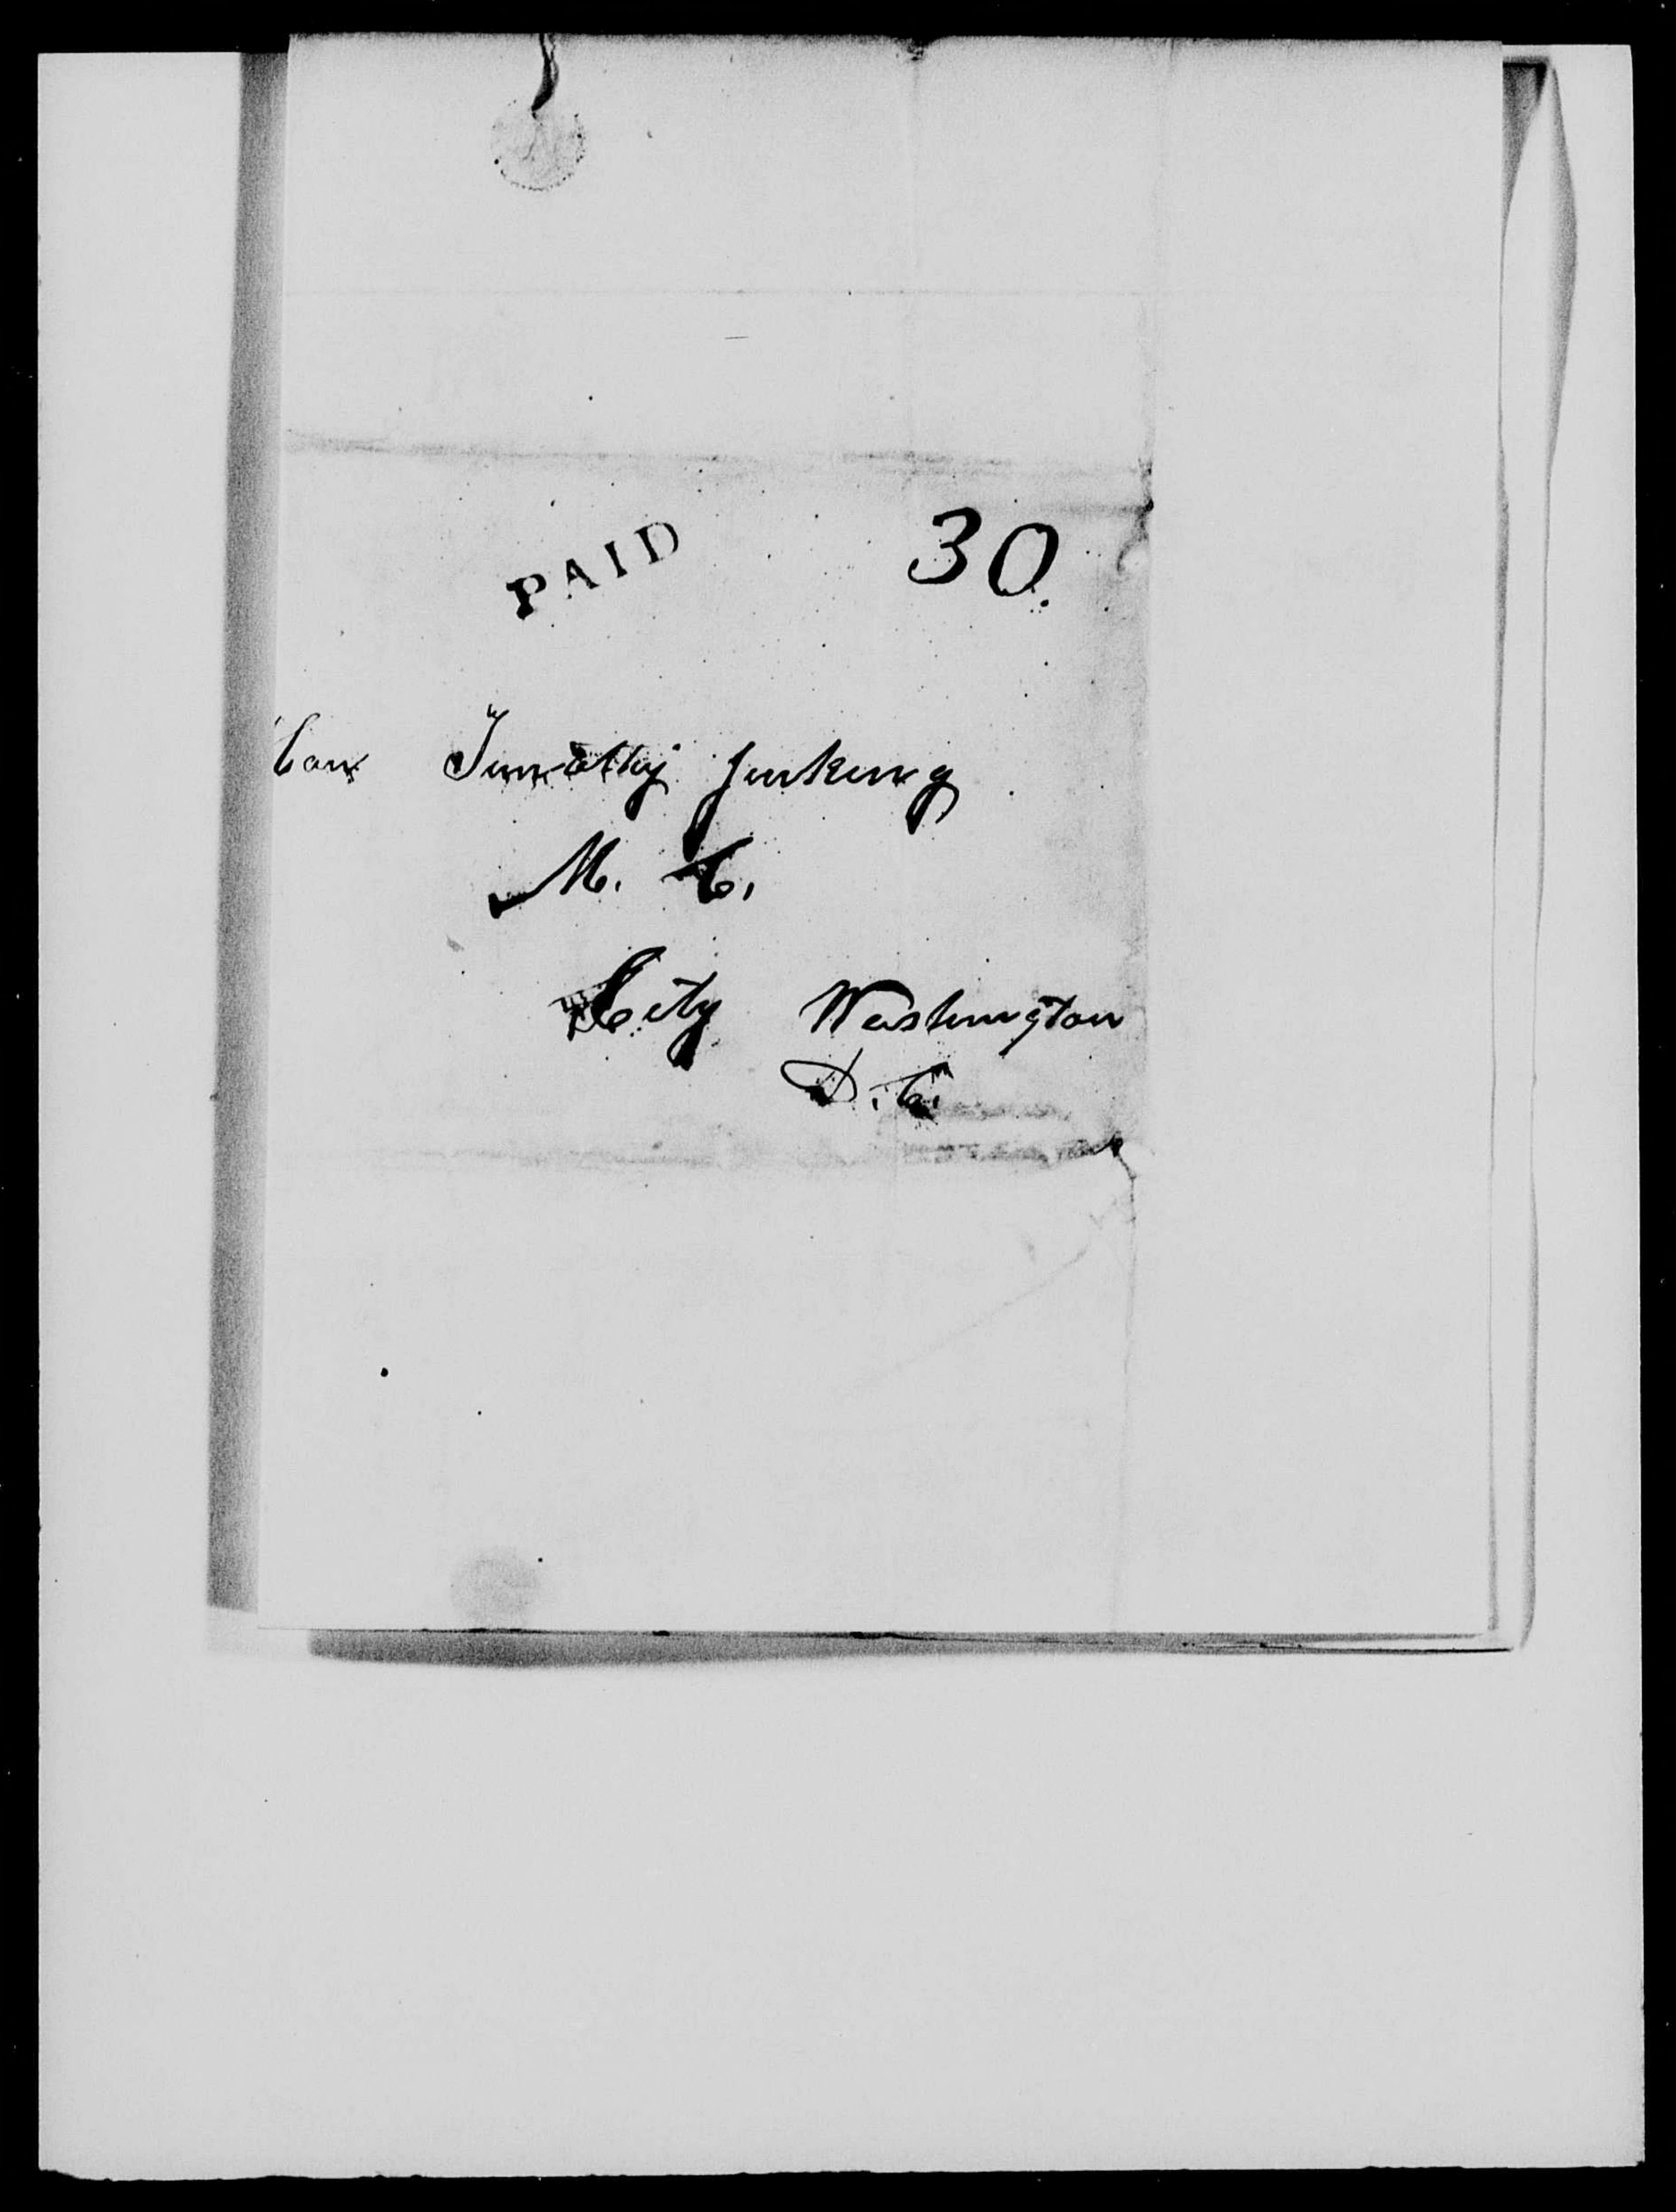[document appears to be a receipt]

PAID 30
Hon Timothy Jenking M. C.
City Washington D.C.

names: Timothy Jenking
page: 33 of 37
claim: widow's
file: W. 20,787, Daniel Brown, Conn. Navy.